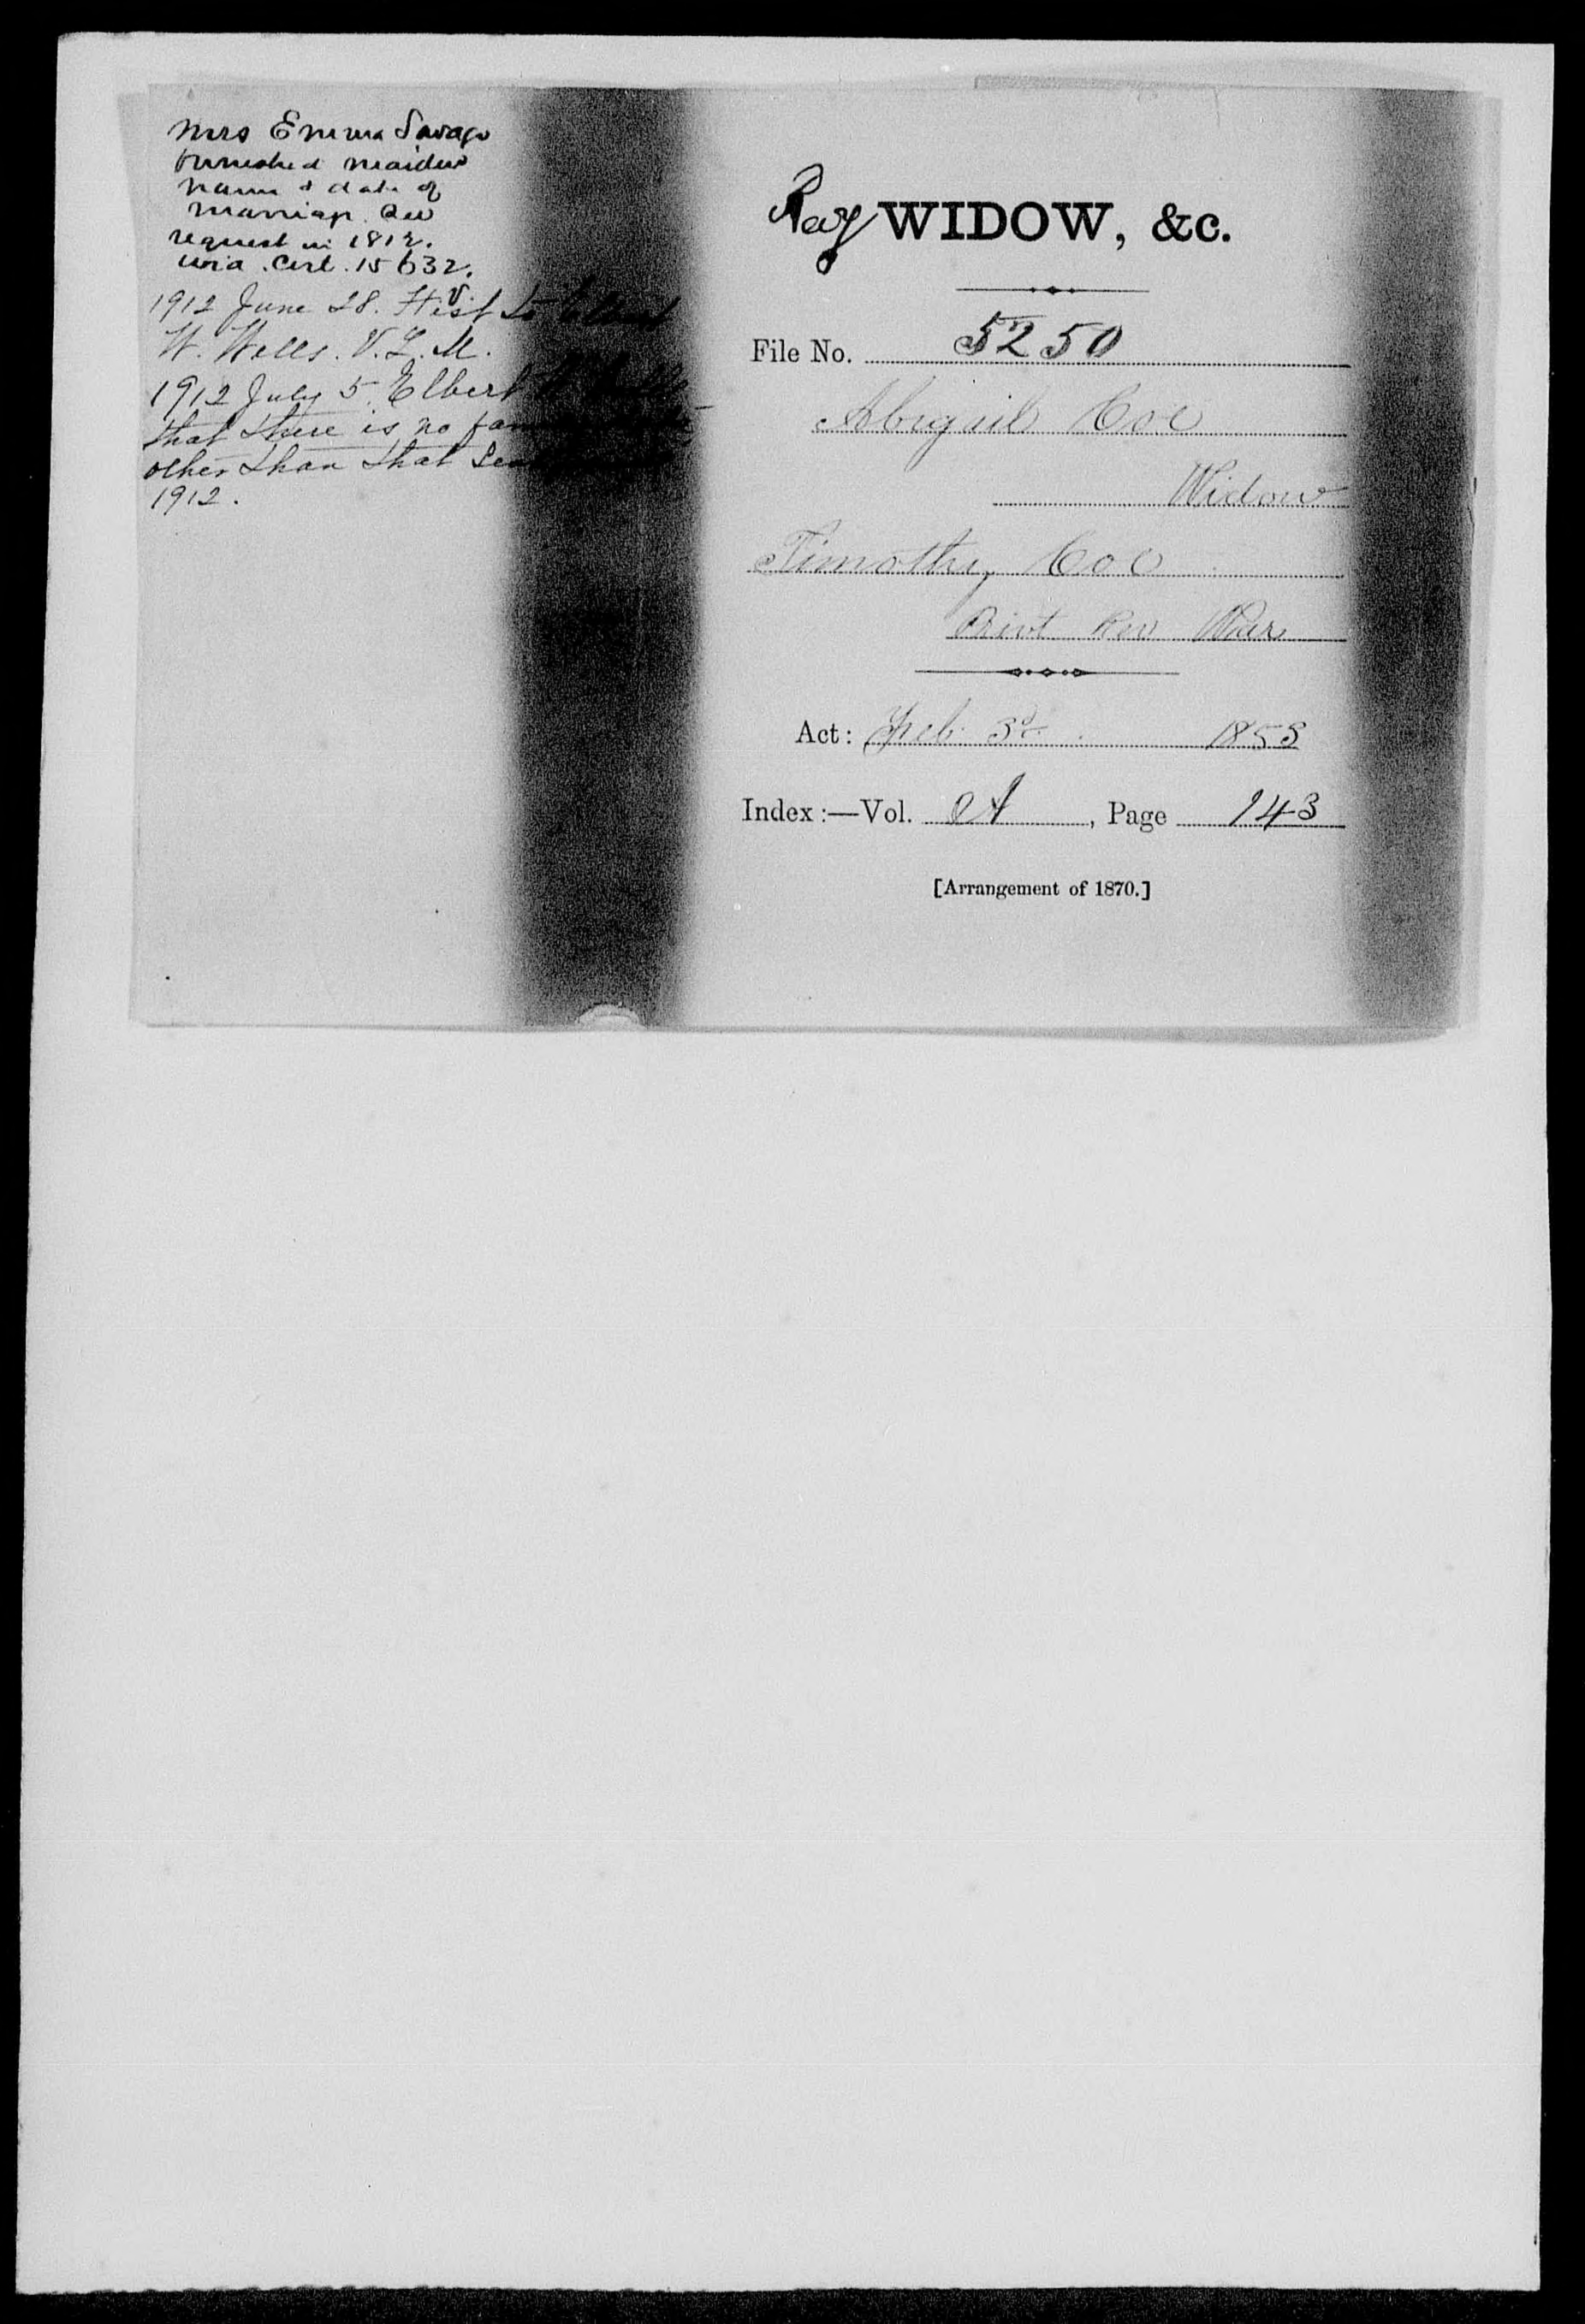Mrs Emma Savage
furnished maiden
name and date of
marriage at
request in 1812.
a Cert. 15632
1912 June 18. His
W. Wells, V.L.M.
1912 July 5. Elbert
that there is no fa
other than that he
1912.
Ray WIDOW, &c.
File No. 5250

Abigail Coe
Widow
Timothy Coe
Private Rev War
---
Act: Feb 3d 1853
Index: -- Vol. A Page 143
[Arrangement of 1870.]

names: Emma Savage, Abigail Coe, Timothy Coe, Elbert W Wells, Elbert W Wells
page: 18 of 76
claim: widow's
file: W. 5,250, Timothy Coe, Conn.